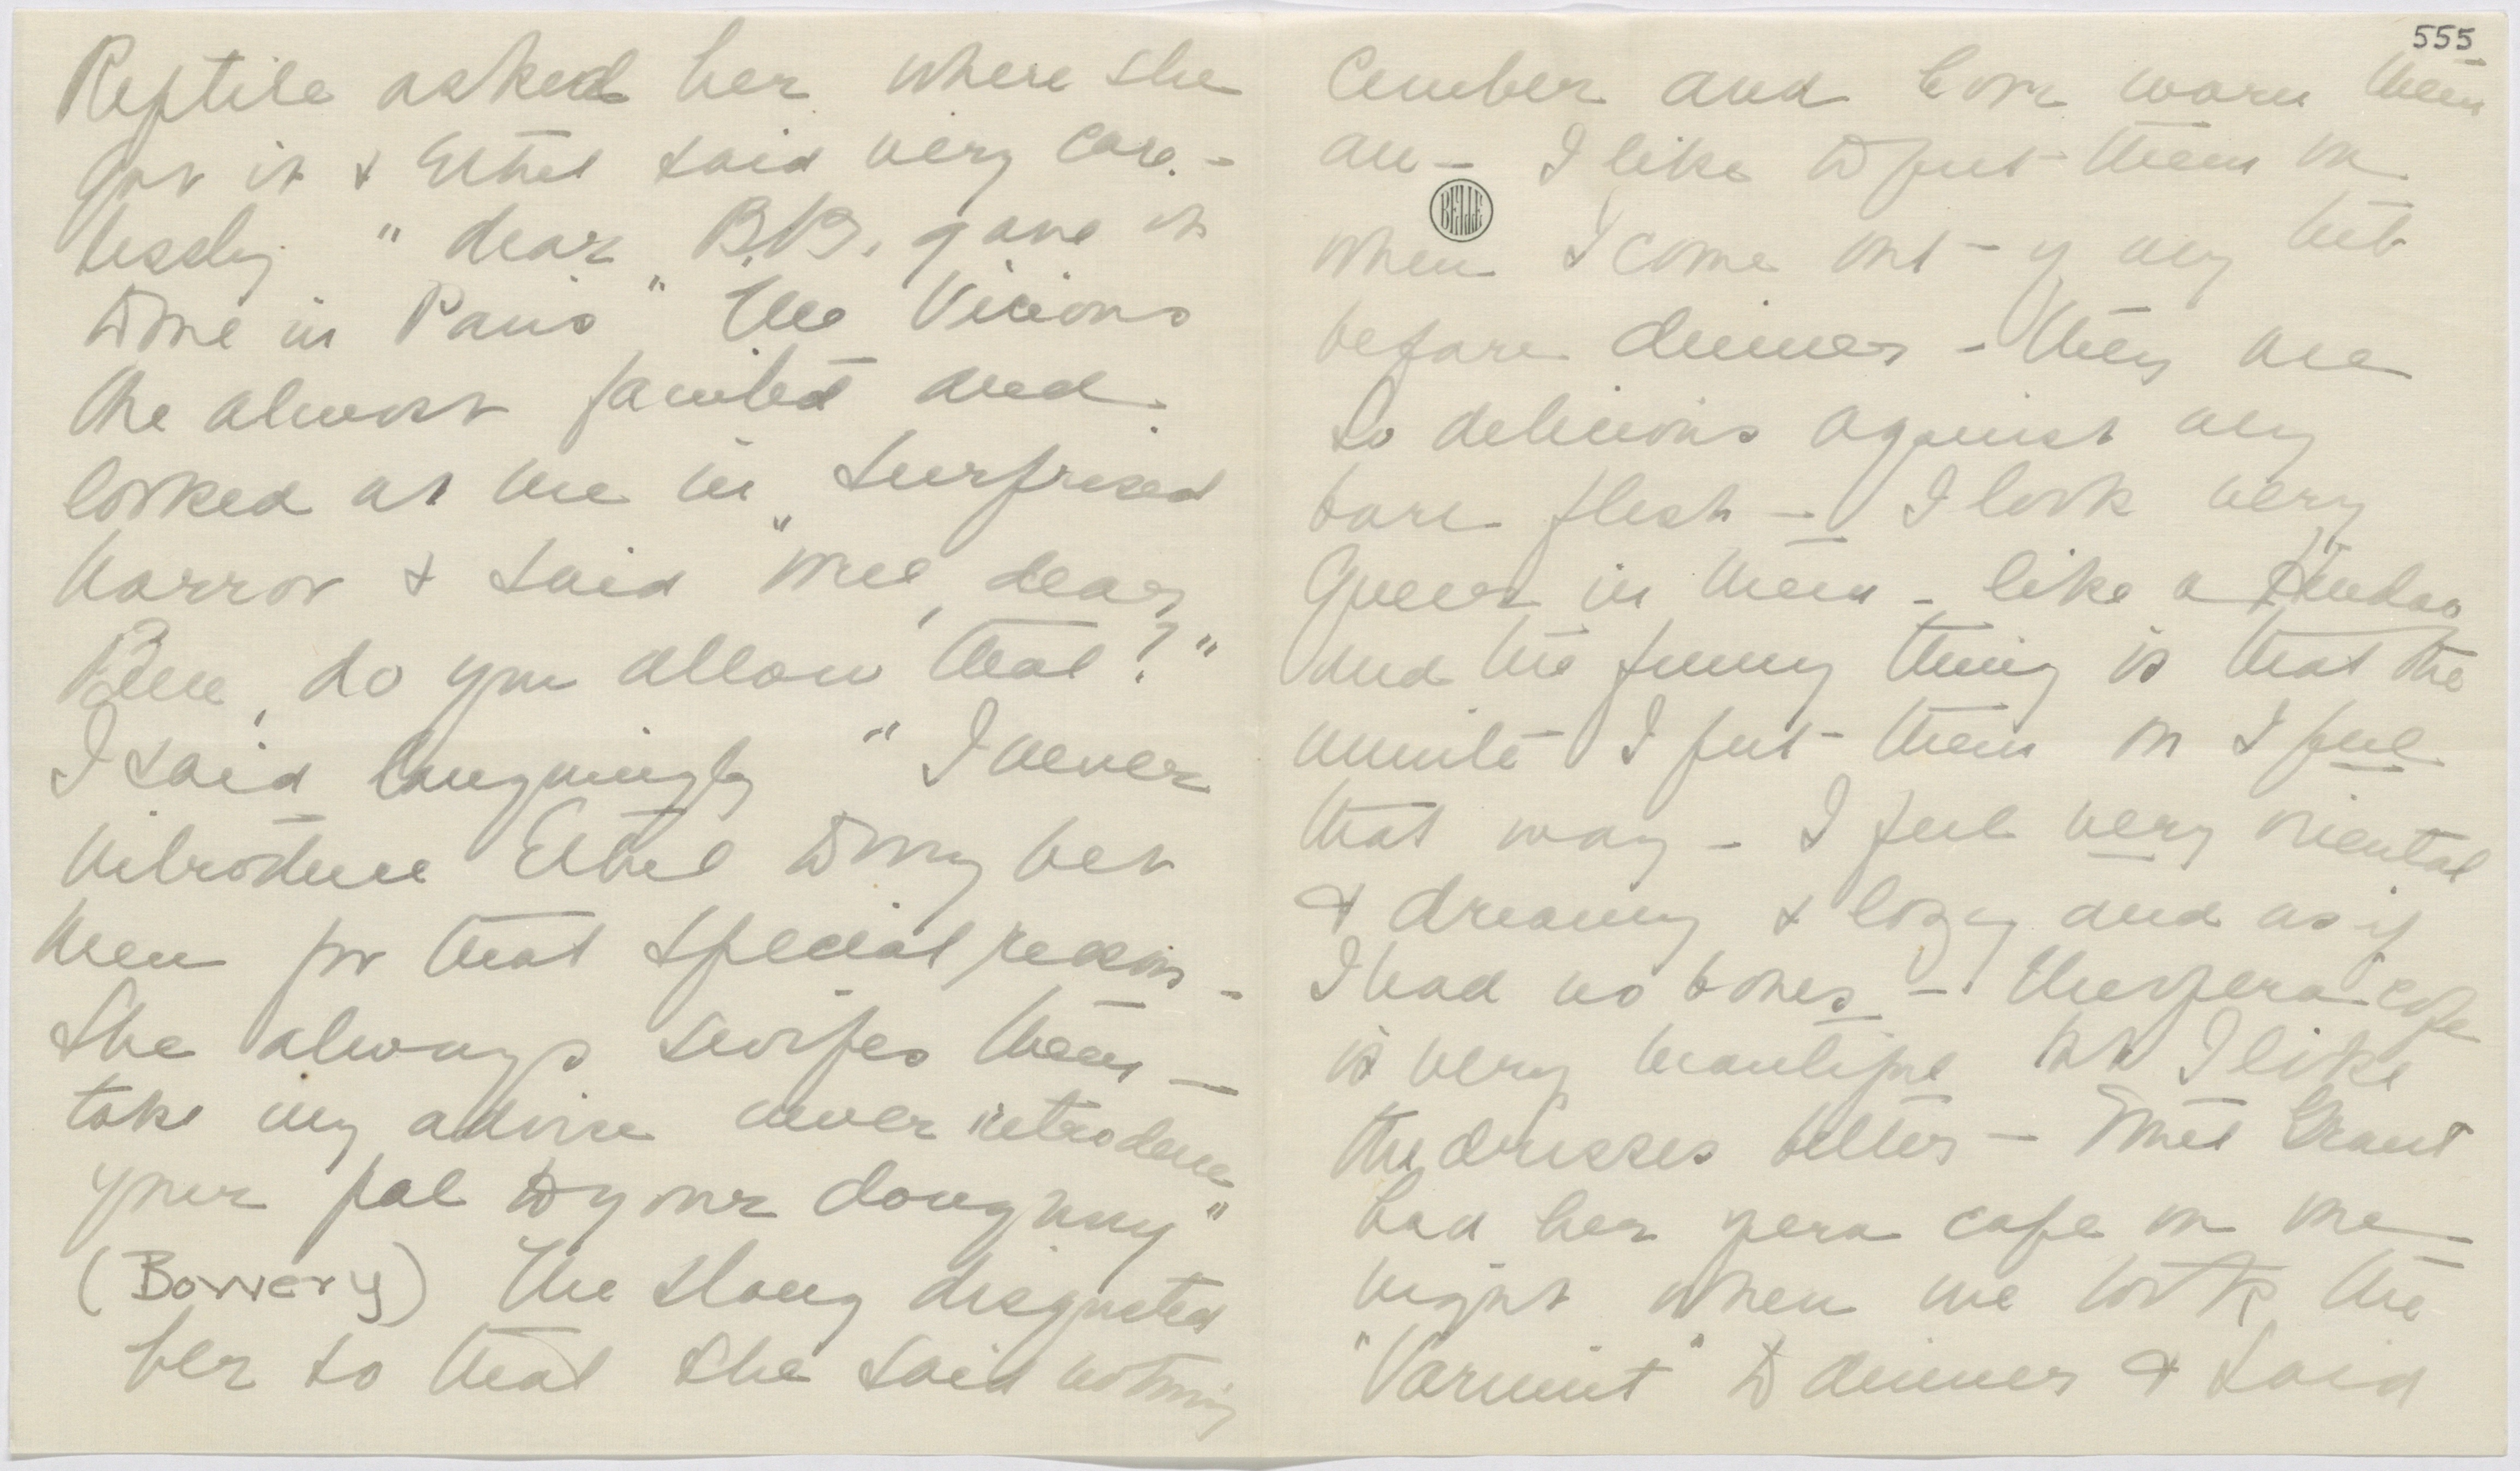and have worn them all – I like to put them on when I come out of my tub before dinner – they are so delicious against my bare flesh – I look very queer in them – like a Hindoo and the funny thing is that the minute I put them on I feel that way – I feel very oriental & dreamy & lazy and as if I had no bones – The opera cape is very beautiful but I like the dresses better – Ethel Grant had her opera cape on one night when we took the “Varmint” to dinner & said
Reptile asked her where she got it & Ethel said very carelessly “dear B. B. gave it to me in Paris” The Vicious One almost fainted and looked at me in surprised horror & said “well, dear Belle, do you allow that?” I said laughingly “I never introduce Ethel to my pet men for that special reason – She always swipes them – take my advice never introduce your pal to your doughny [?] ([in secretarial script: Bowery]) The slang disgusted her so that she said nothing